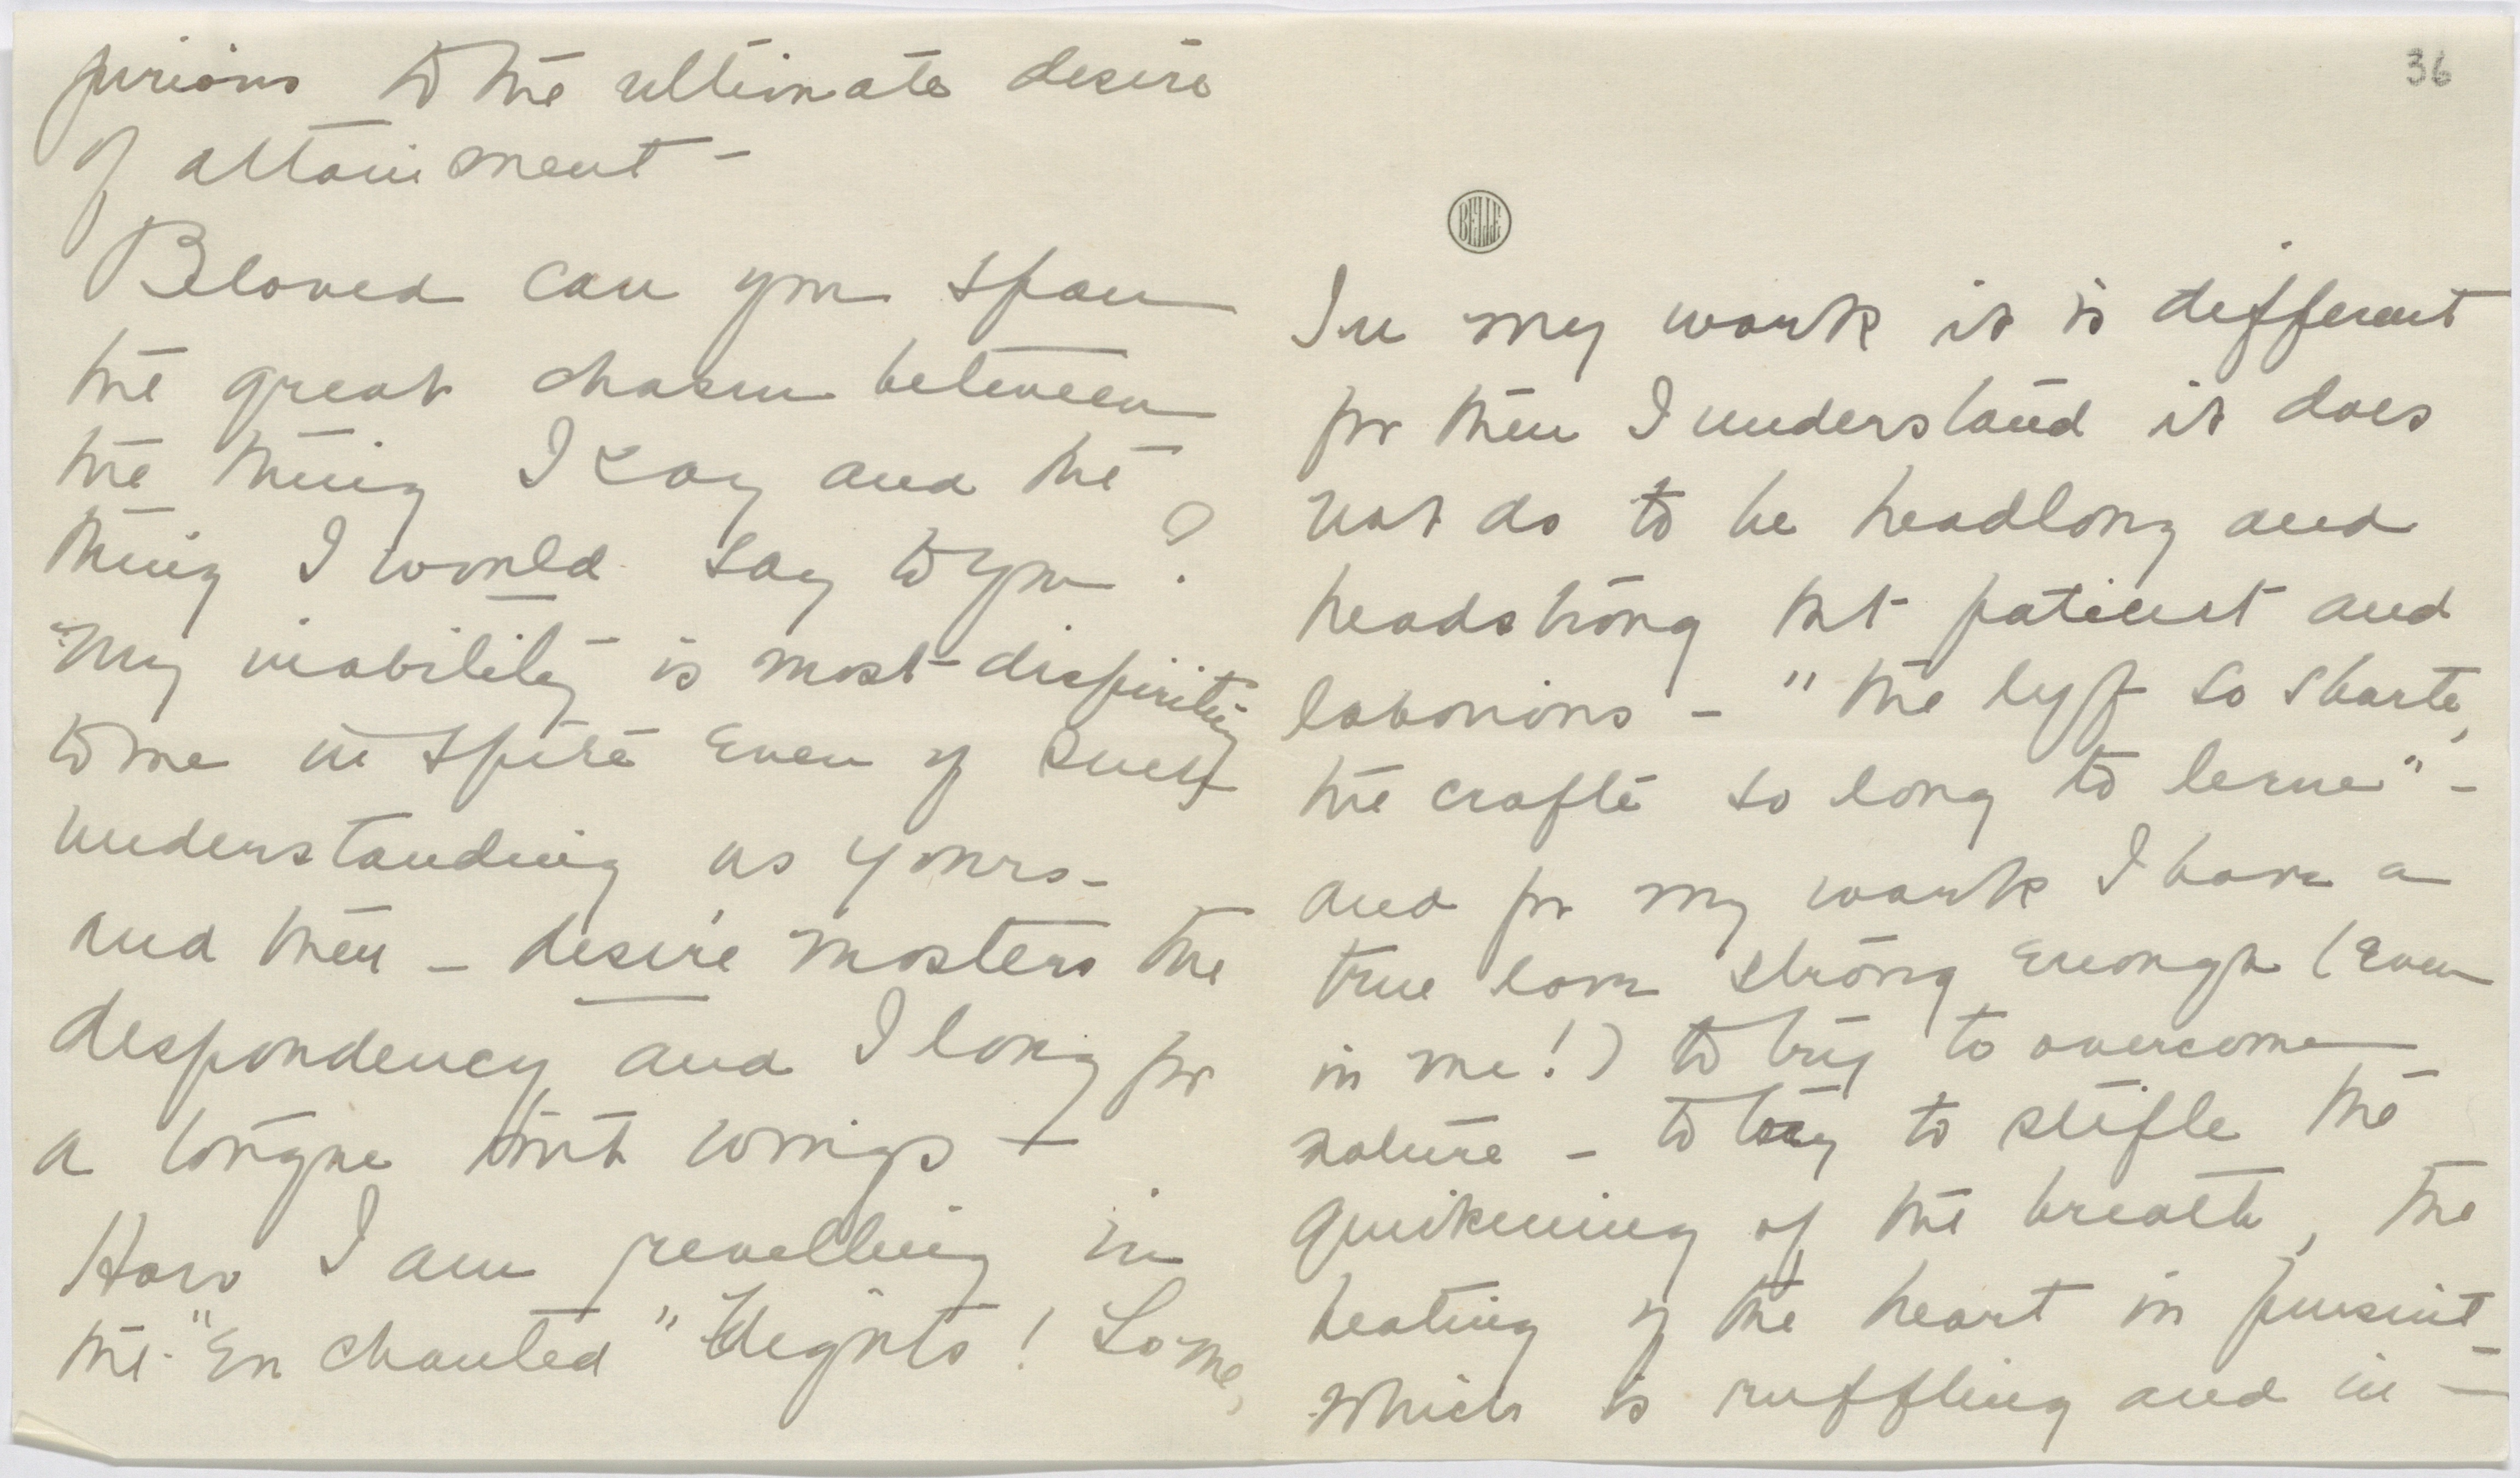In my work it is different for then I understand it does not do to be headlong and headstrong but patient and laborious – “the lyf so shorte, the crafte so long to lerne” – and for my work I have a true love strong enough (even in me!) to try to overcome nature – to try to stifle the quickening of the breath, the heating of the heart in pursuit – which is ruffling and injurious
to the ultimate desire of attainment –
Beloved can you span the great chasm between the thing I say and the thing I would say to you? My inability is most dispiriting to me in spite even of such understanding as yours – and then – desire masters the despondency and I long for a tongue with wings –
How I am revelling in the “Enchanted” Nights! To me,